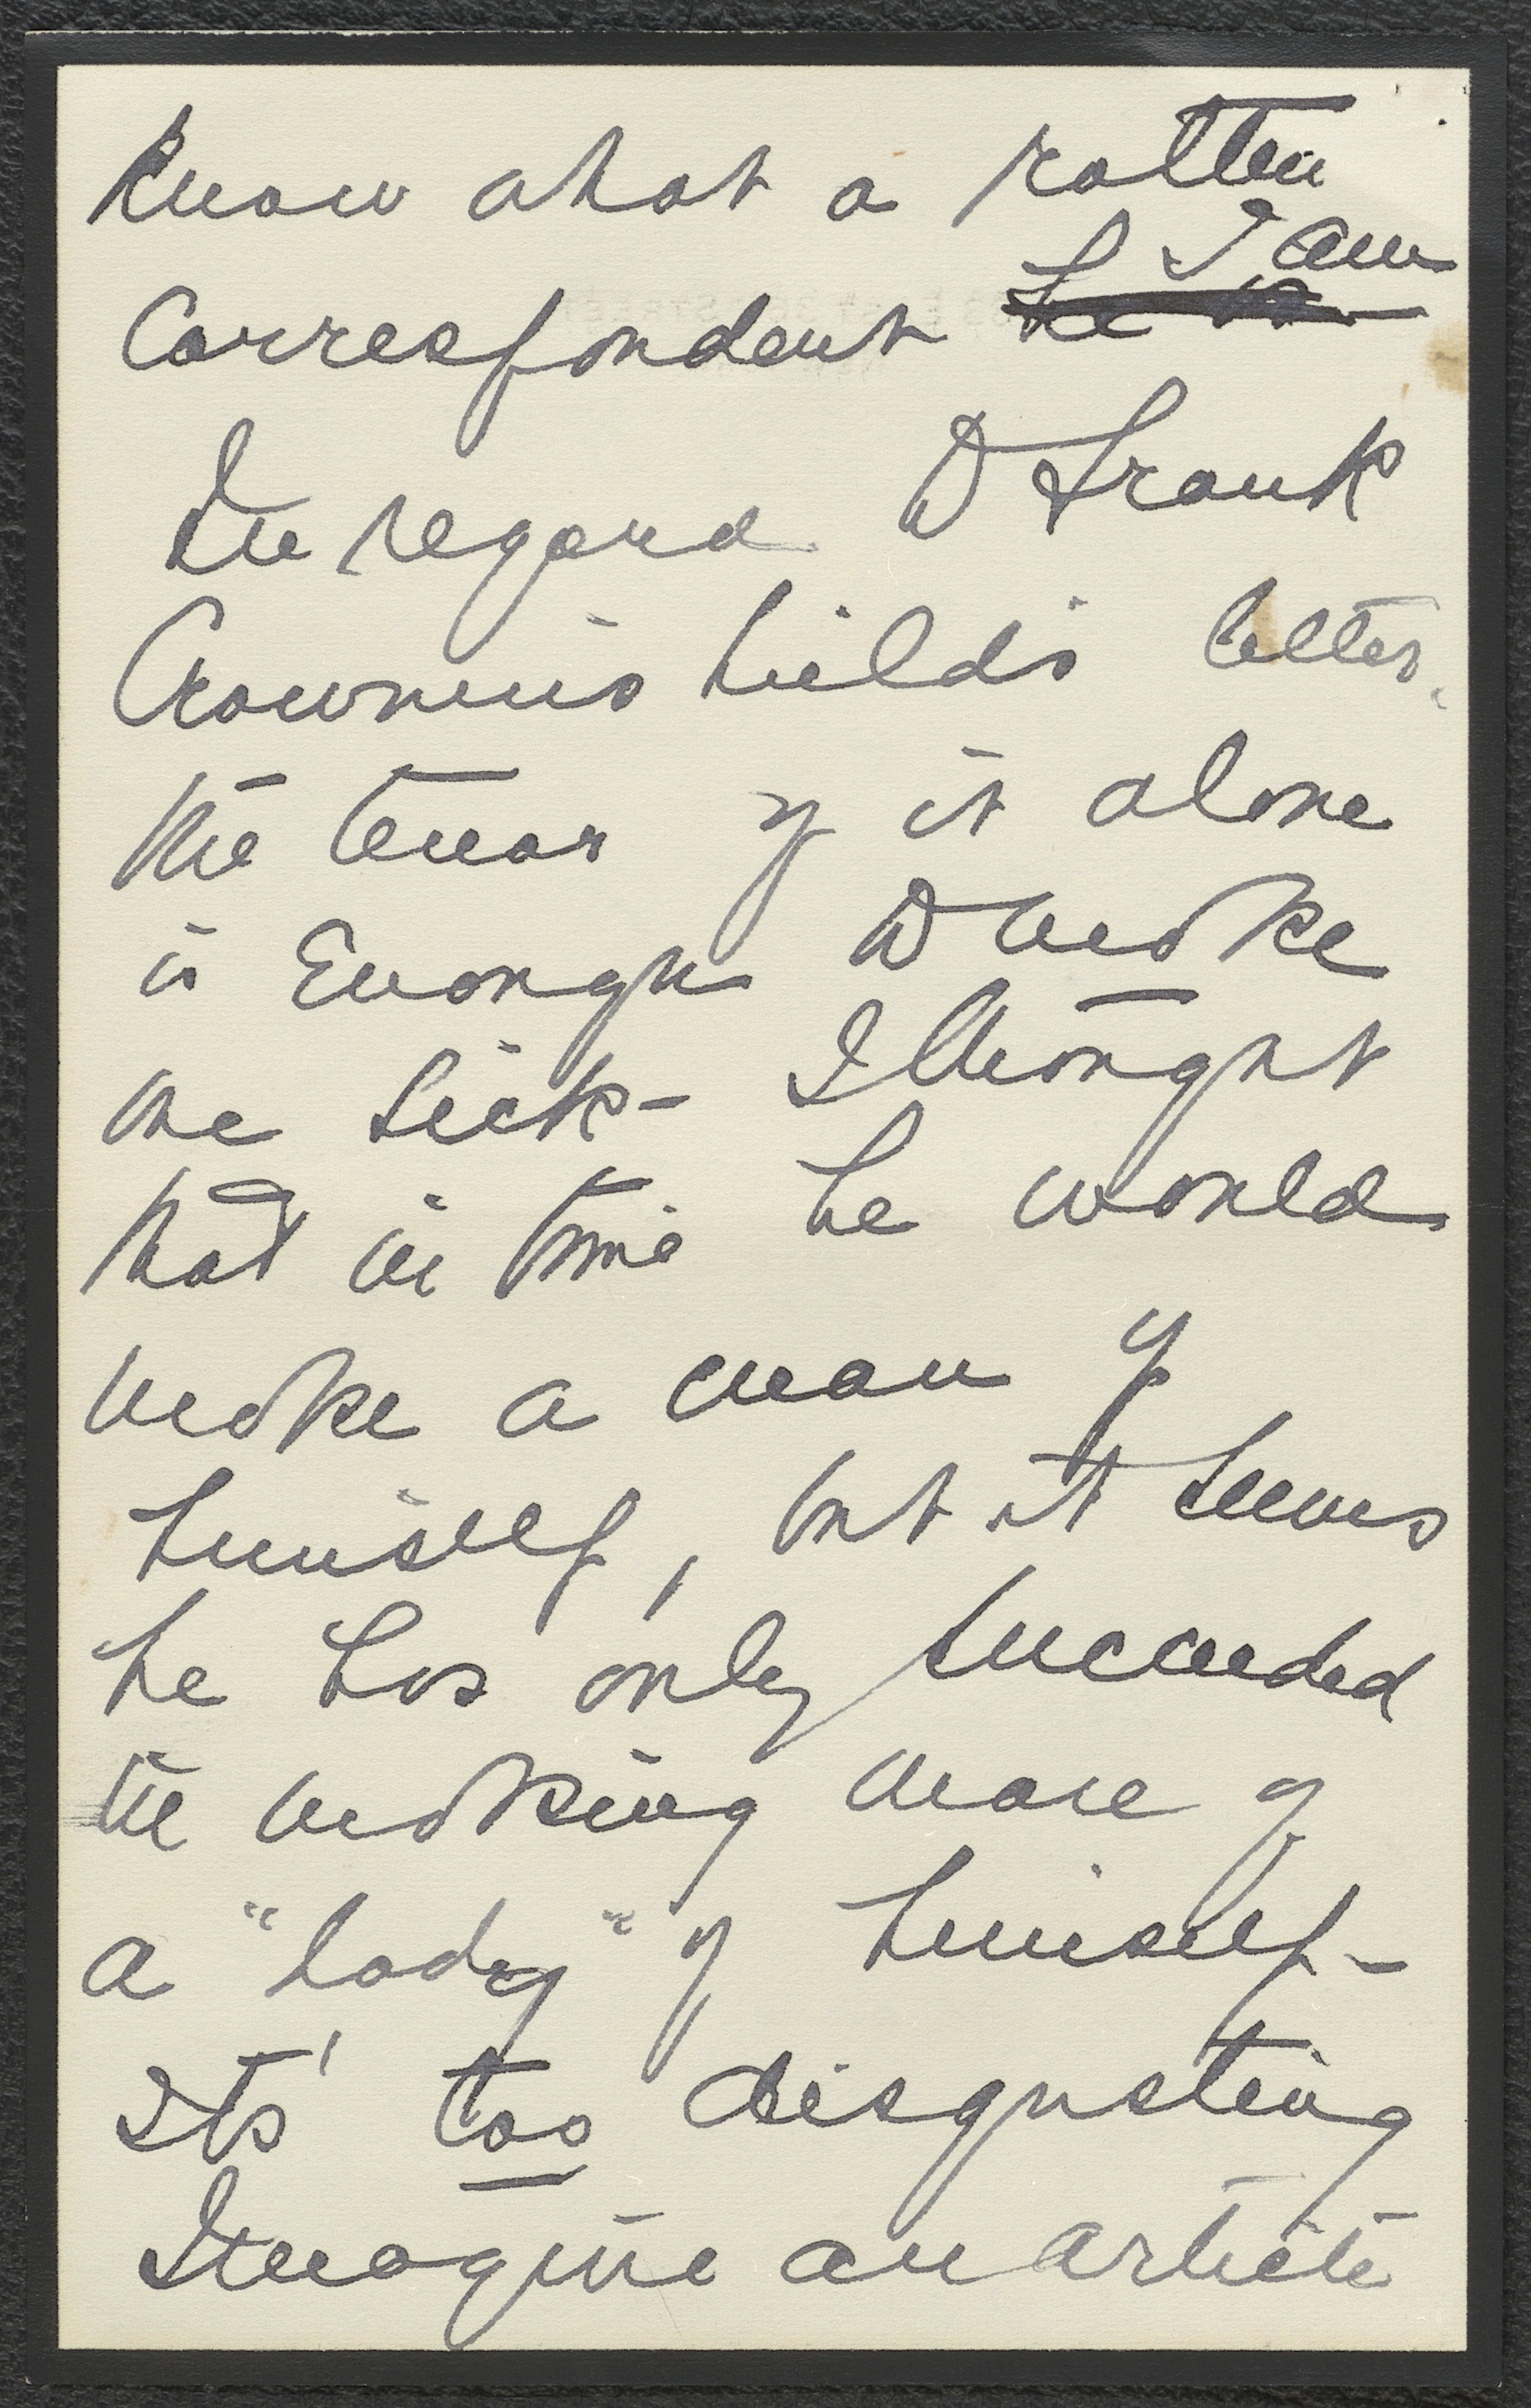know what a rather correspondent he is [^I am^]
In regard to Frank Crowninshield’s letter the tenor of it alone is enough to make me sick – I thought that in time he would make a man of himself, but it seems he has only succeeded in making more of a “lady” of himself – It’s too disgusting
Imagine an article